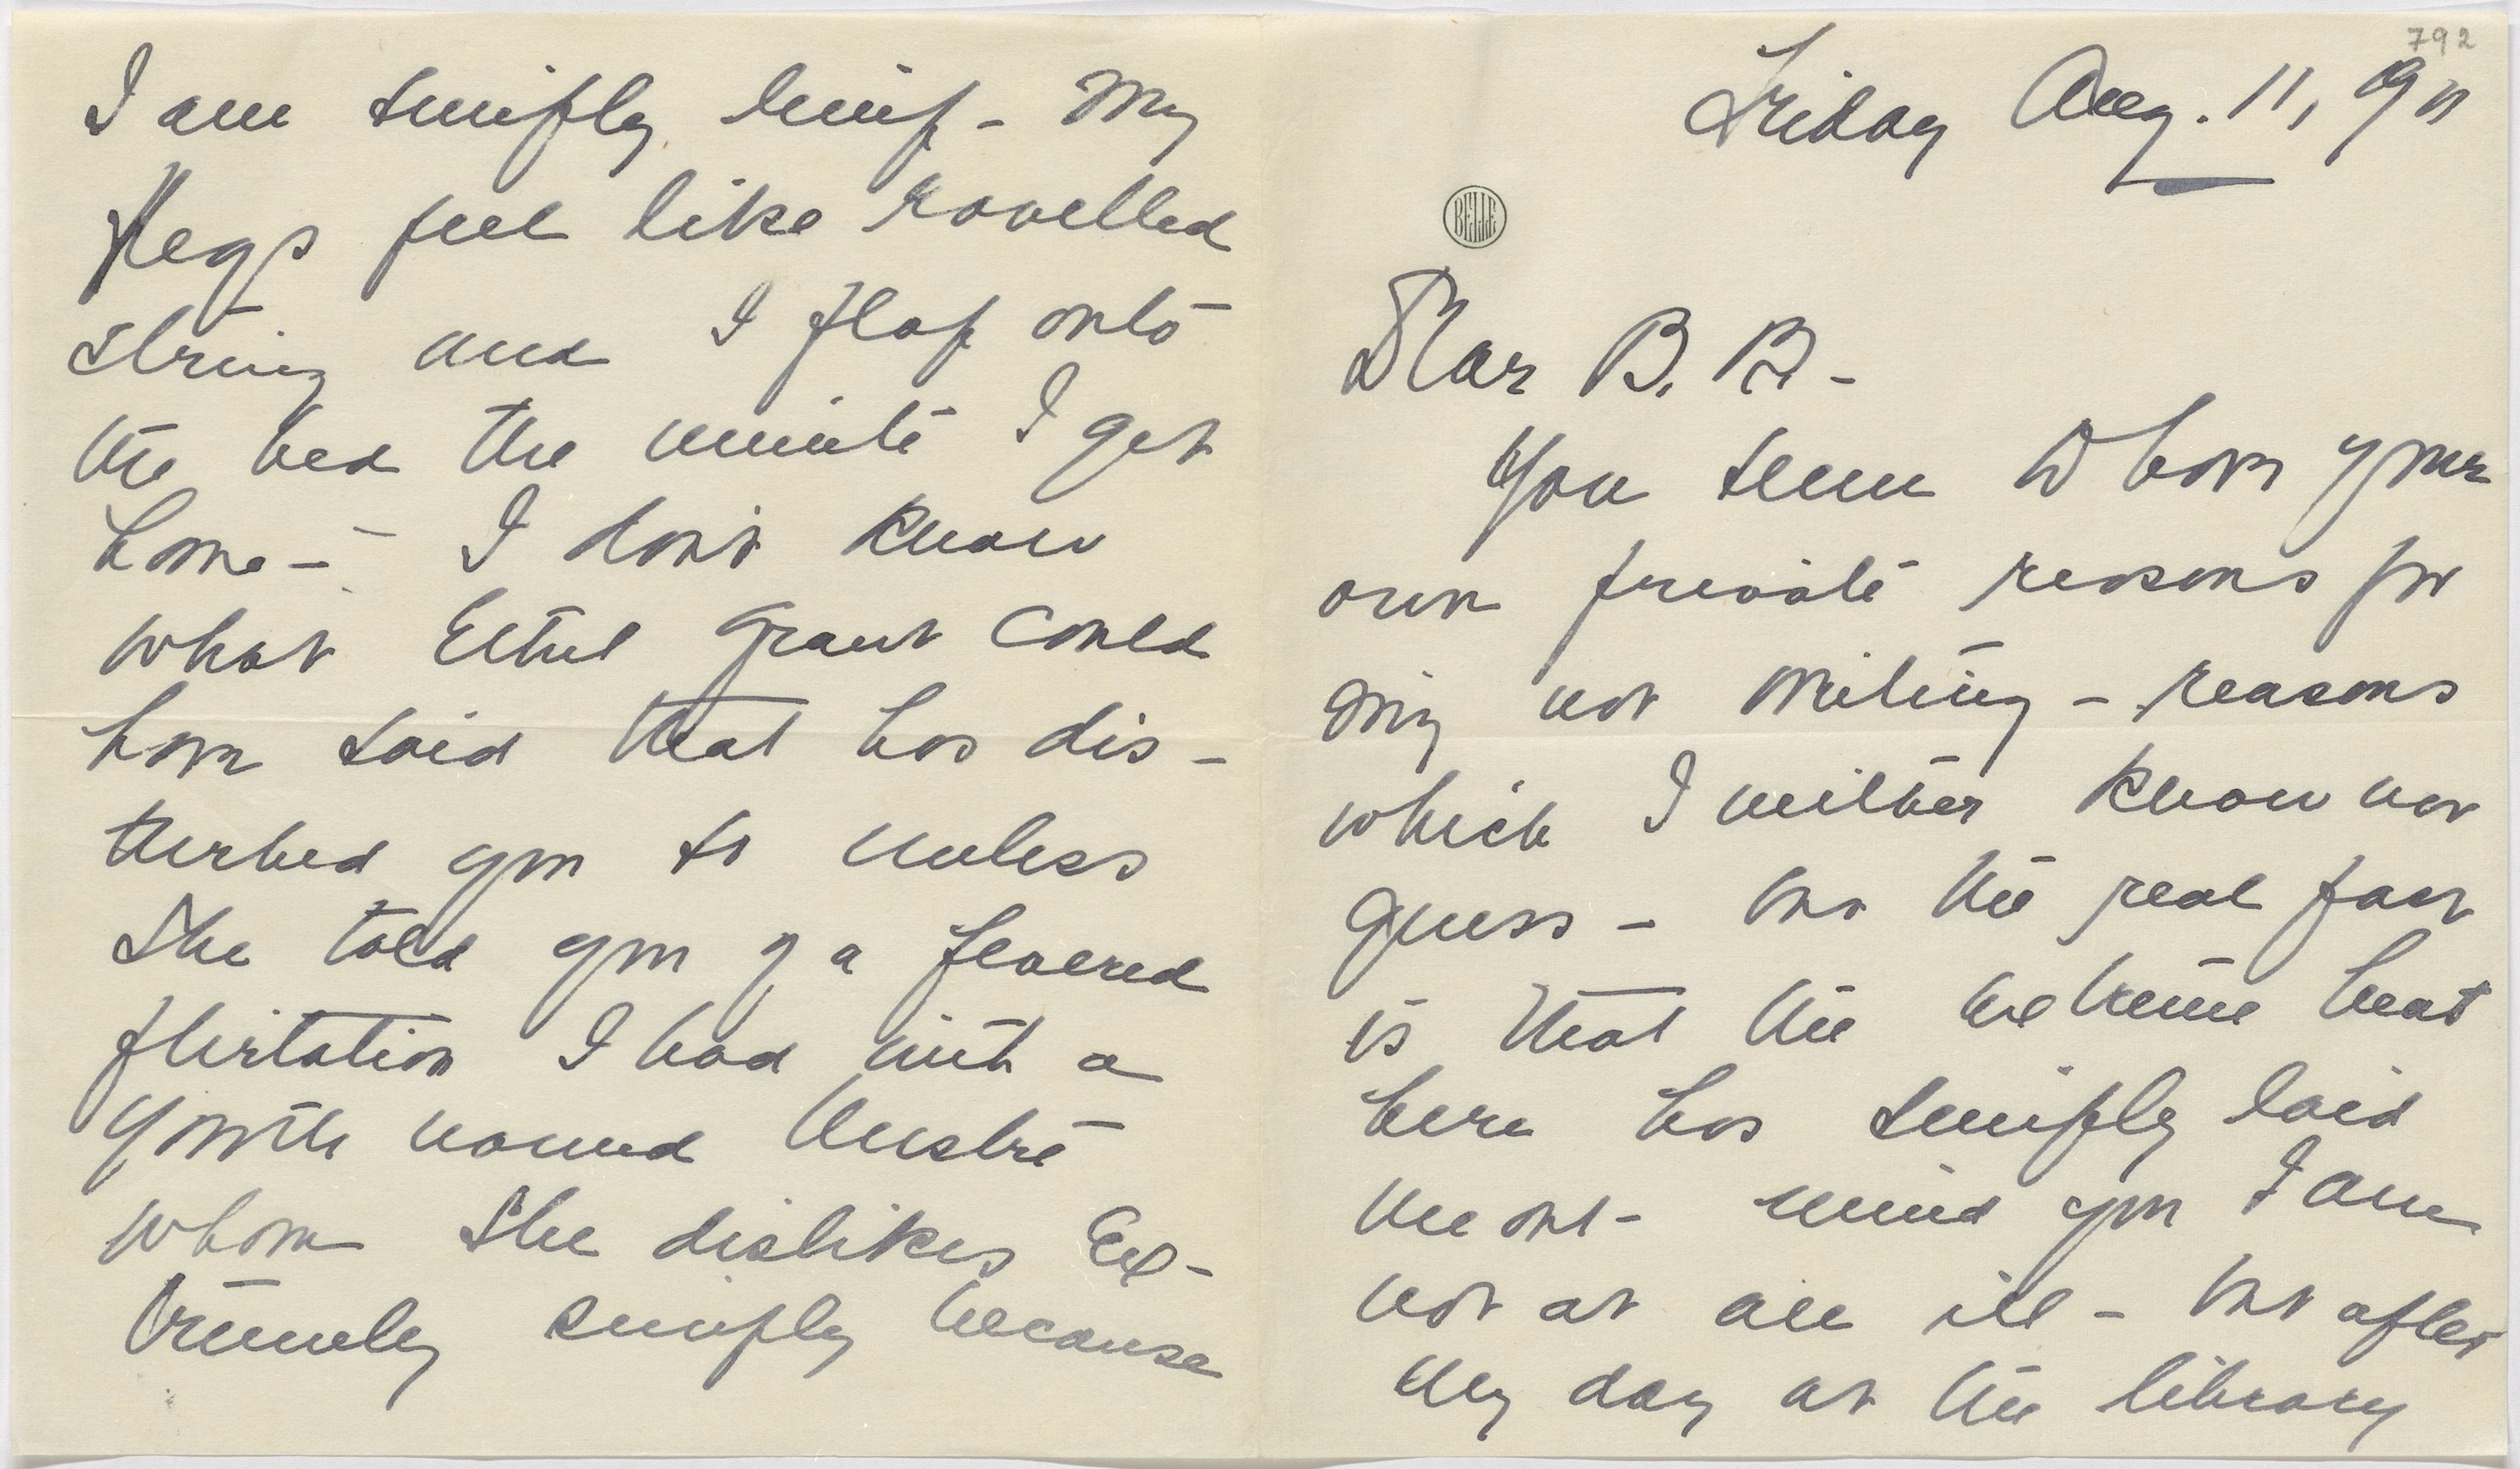Friday Aug, 11
⸺
Dear B. B. –
You seem to have your own private reasons for my not writing – reasons which I neither know nor guess – but the real fact is that the extreme heat here has simply laid me out – mind you I am not at all ill – but after my day at the library
I am simply limp – My legs feel like ravelled string and I flop onto the bed the minute I get home – I don’t know what Ethel Grant could have said that has disturbed you so unless she told you of a fevered flirtation I had with a youth named Mestre whom she dislikes extremely simply because